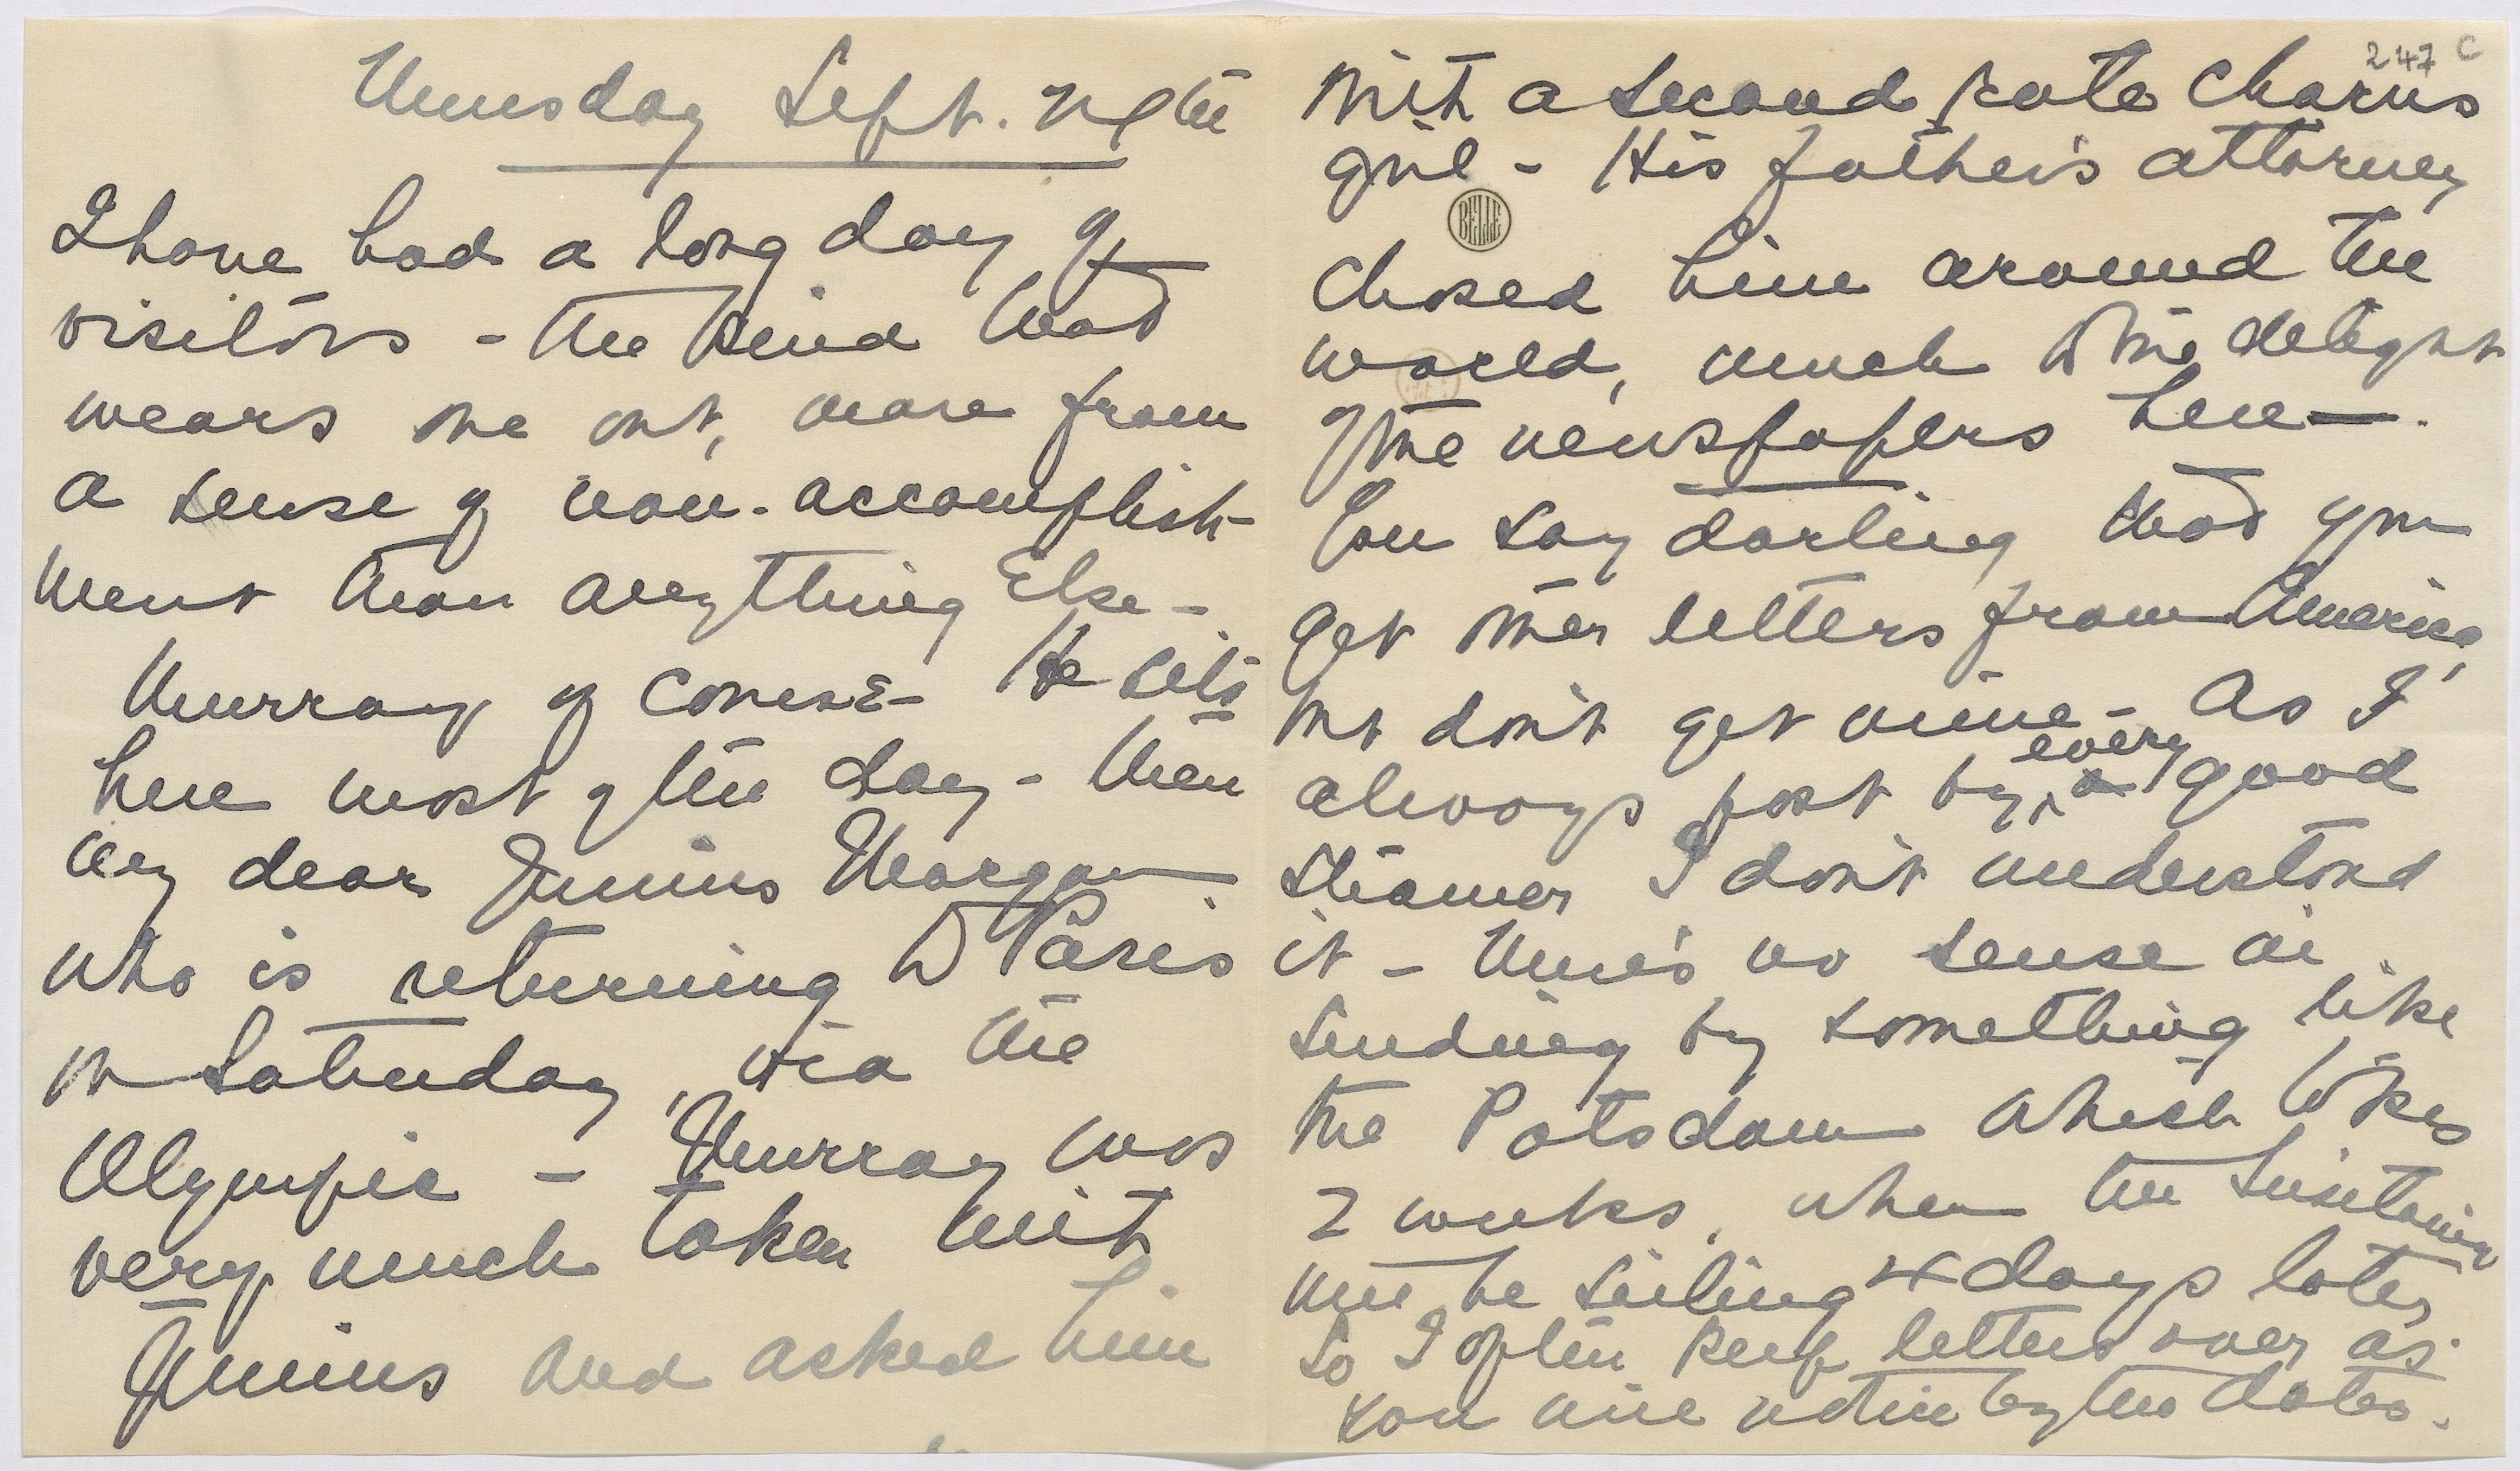with a second rate chorus girl – His father’s attorney chased him around the world, much to the delight of the newspapers here – You say darling that you get other letters from America, but don’t get mine – As I always post by [^every^] a good steamer I don’t understand it – There’s no sense in sending by something like the Potsdam which takes 2 weeks, when the Lusitania will be sailing 4 days later. So I often keep letters over as you will notice by the dates.
Thursday Sept. 24th
I have had a long day of visitors – the kind that wears one out, more from a sense of non-accomplishment than anything else – Murray of course – He sits here most of the day – then my dear Junius Morgan who is returning to Paris on Saturday, via the Olympic – Murray was very much taken with Junius and asked him